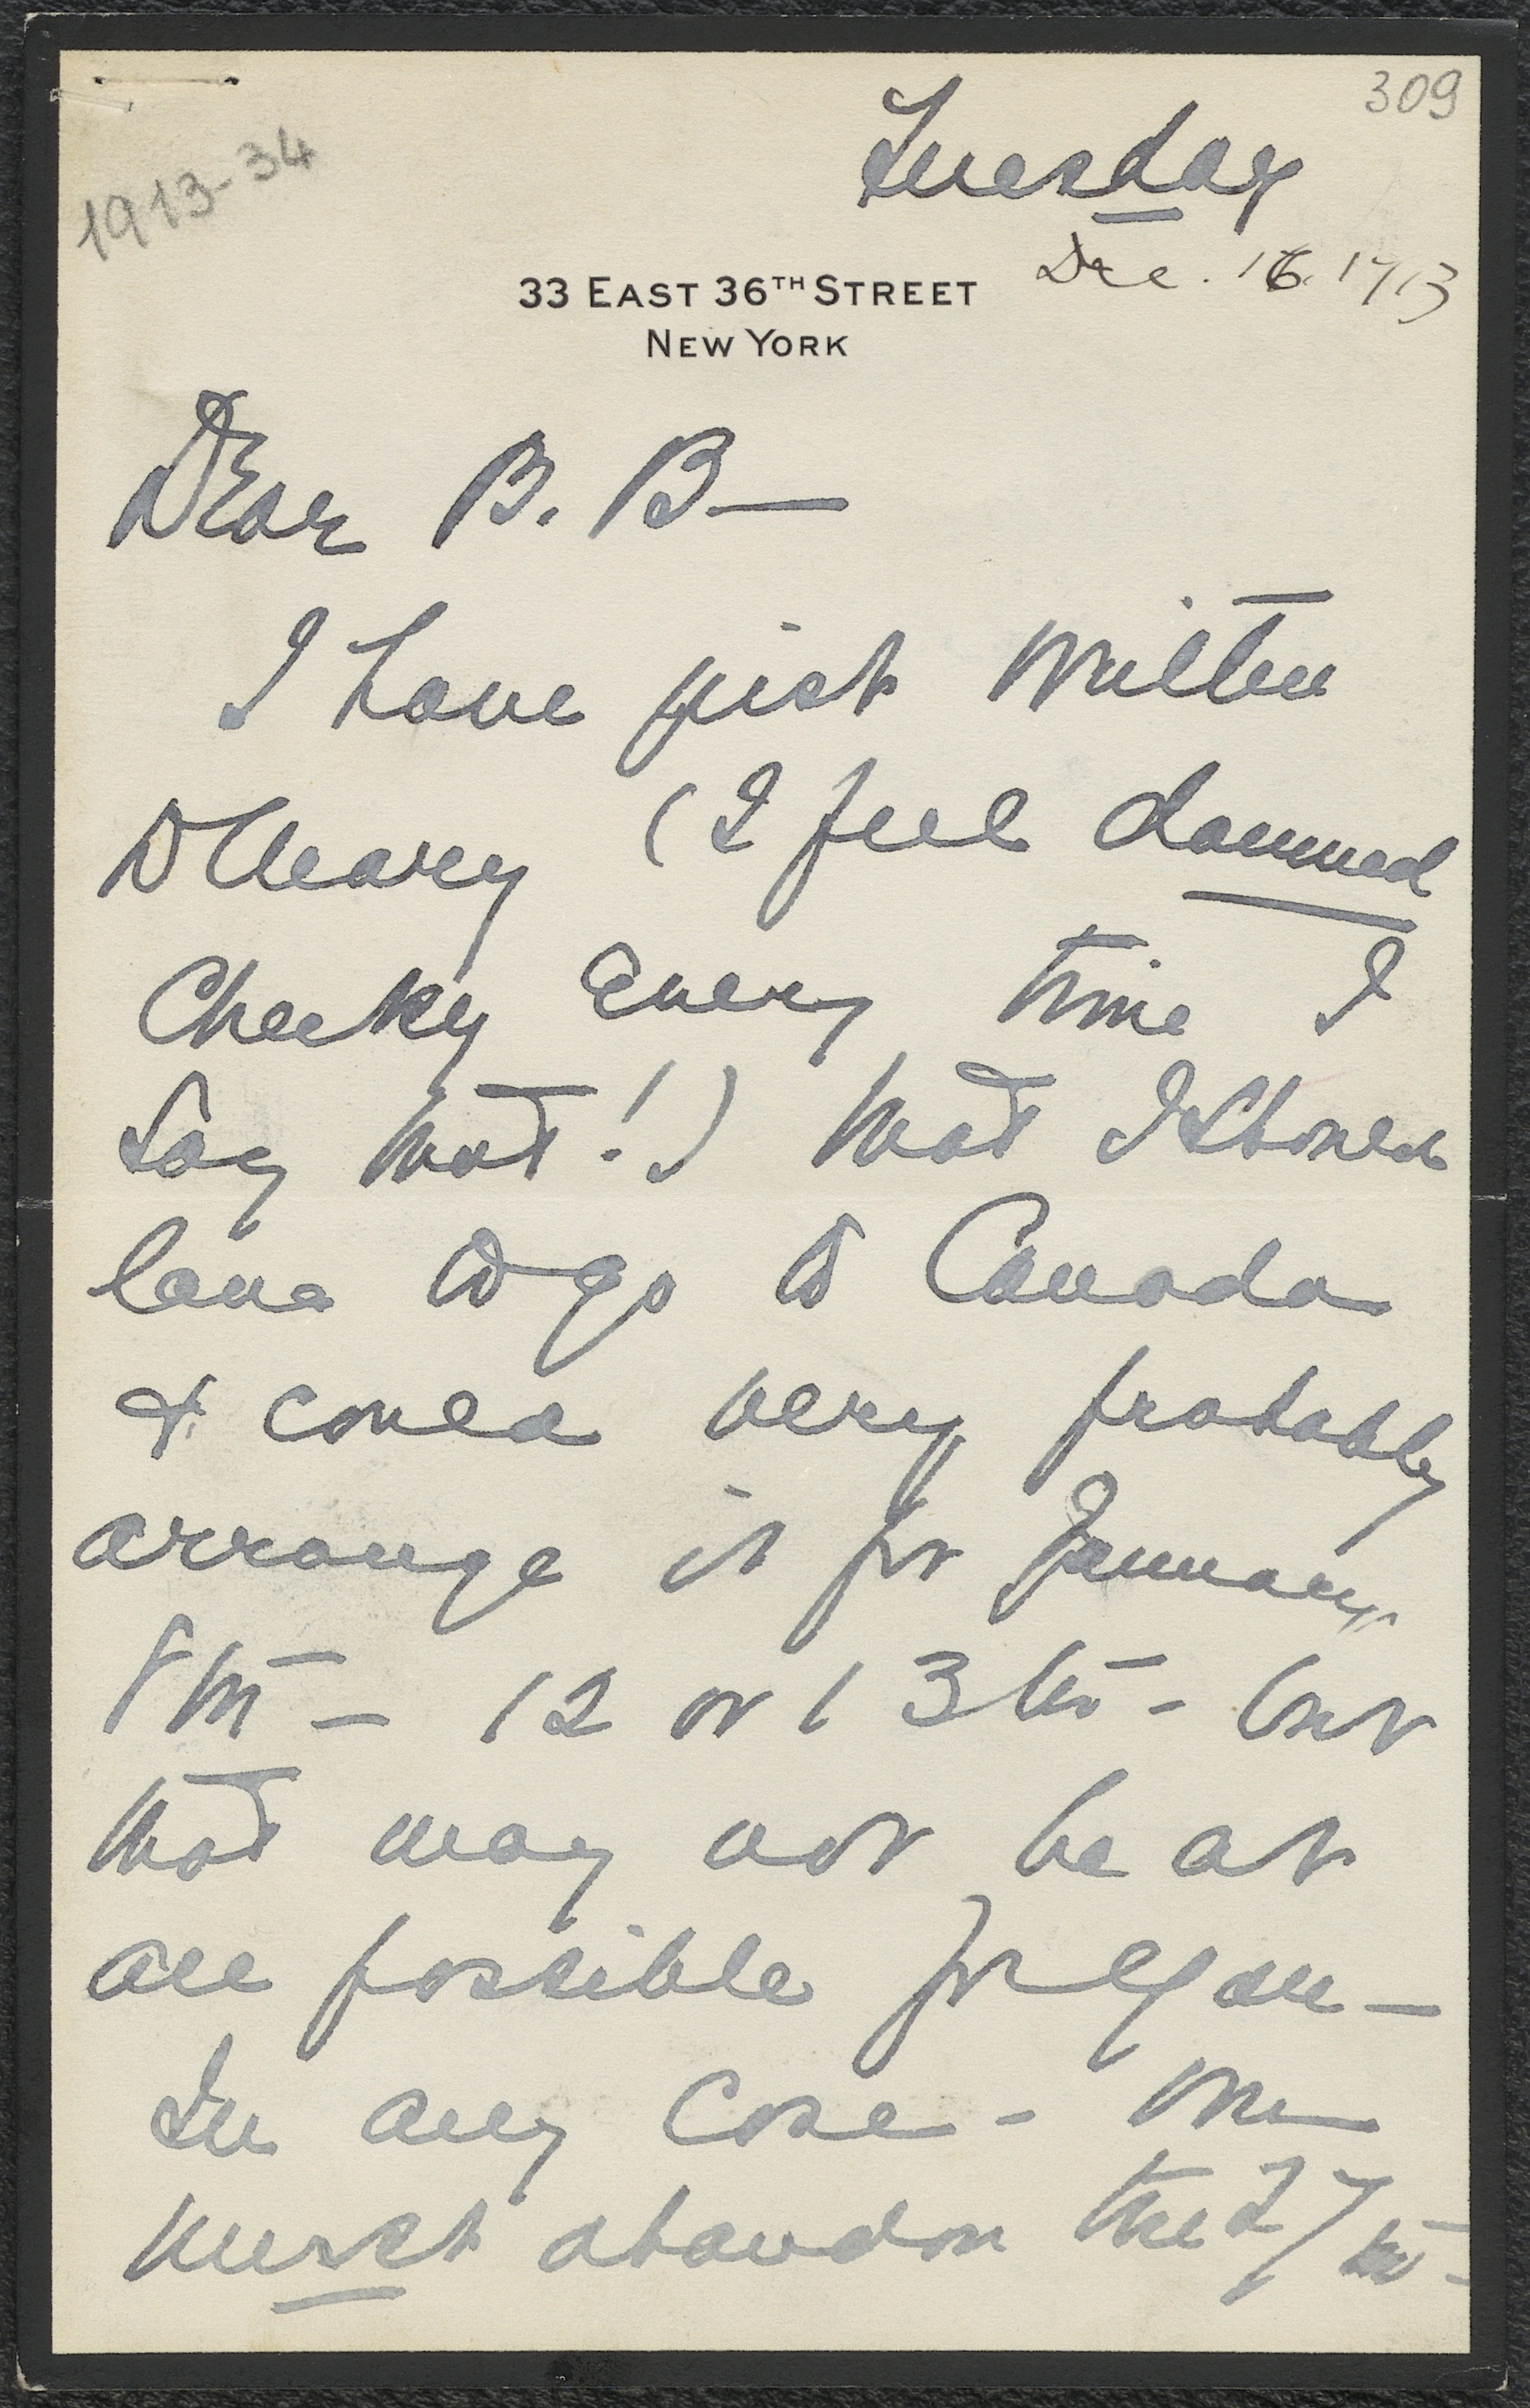Tuesday
Dear B. B. –
I have just written to Mary (I feel damned cheeky every time I say that!) that I should love to go to Canada & could very probably arrange it for January 8th – 12 or 13th – but that may not be at all possible for you –
In any case – we must abandon the 27th –